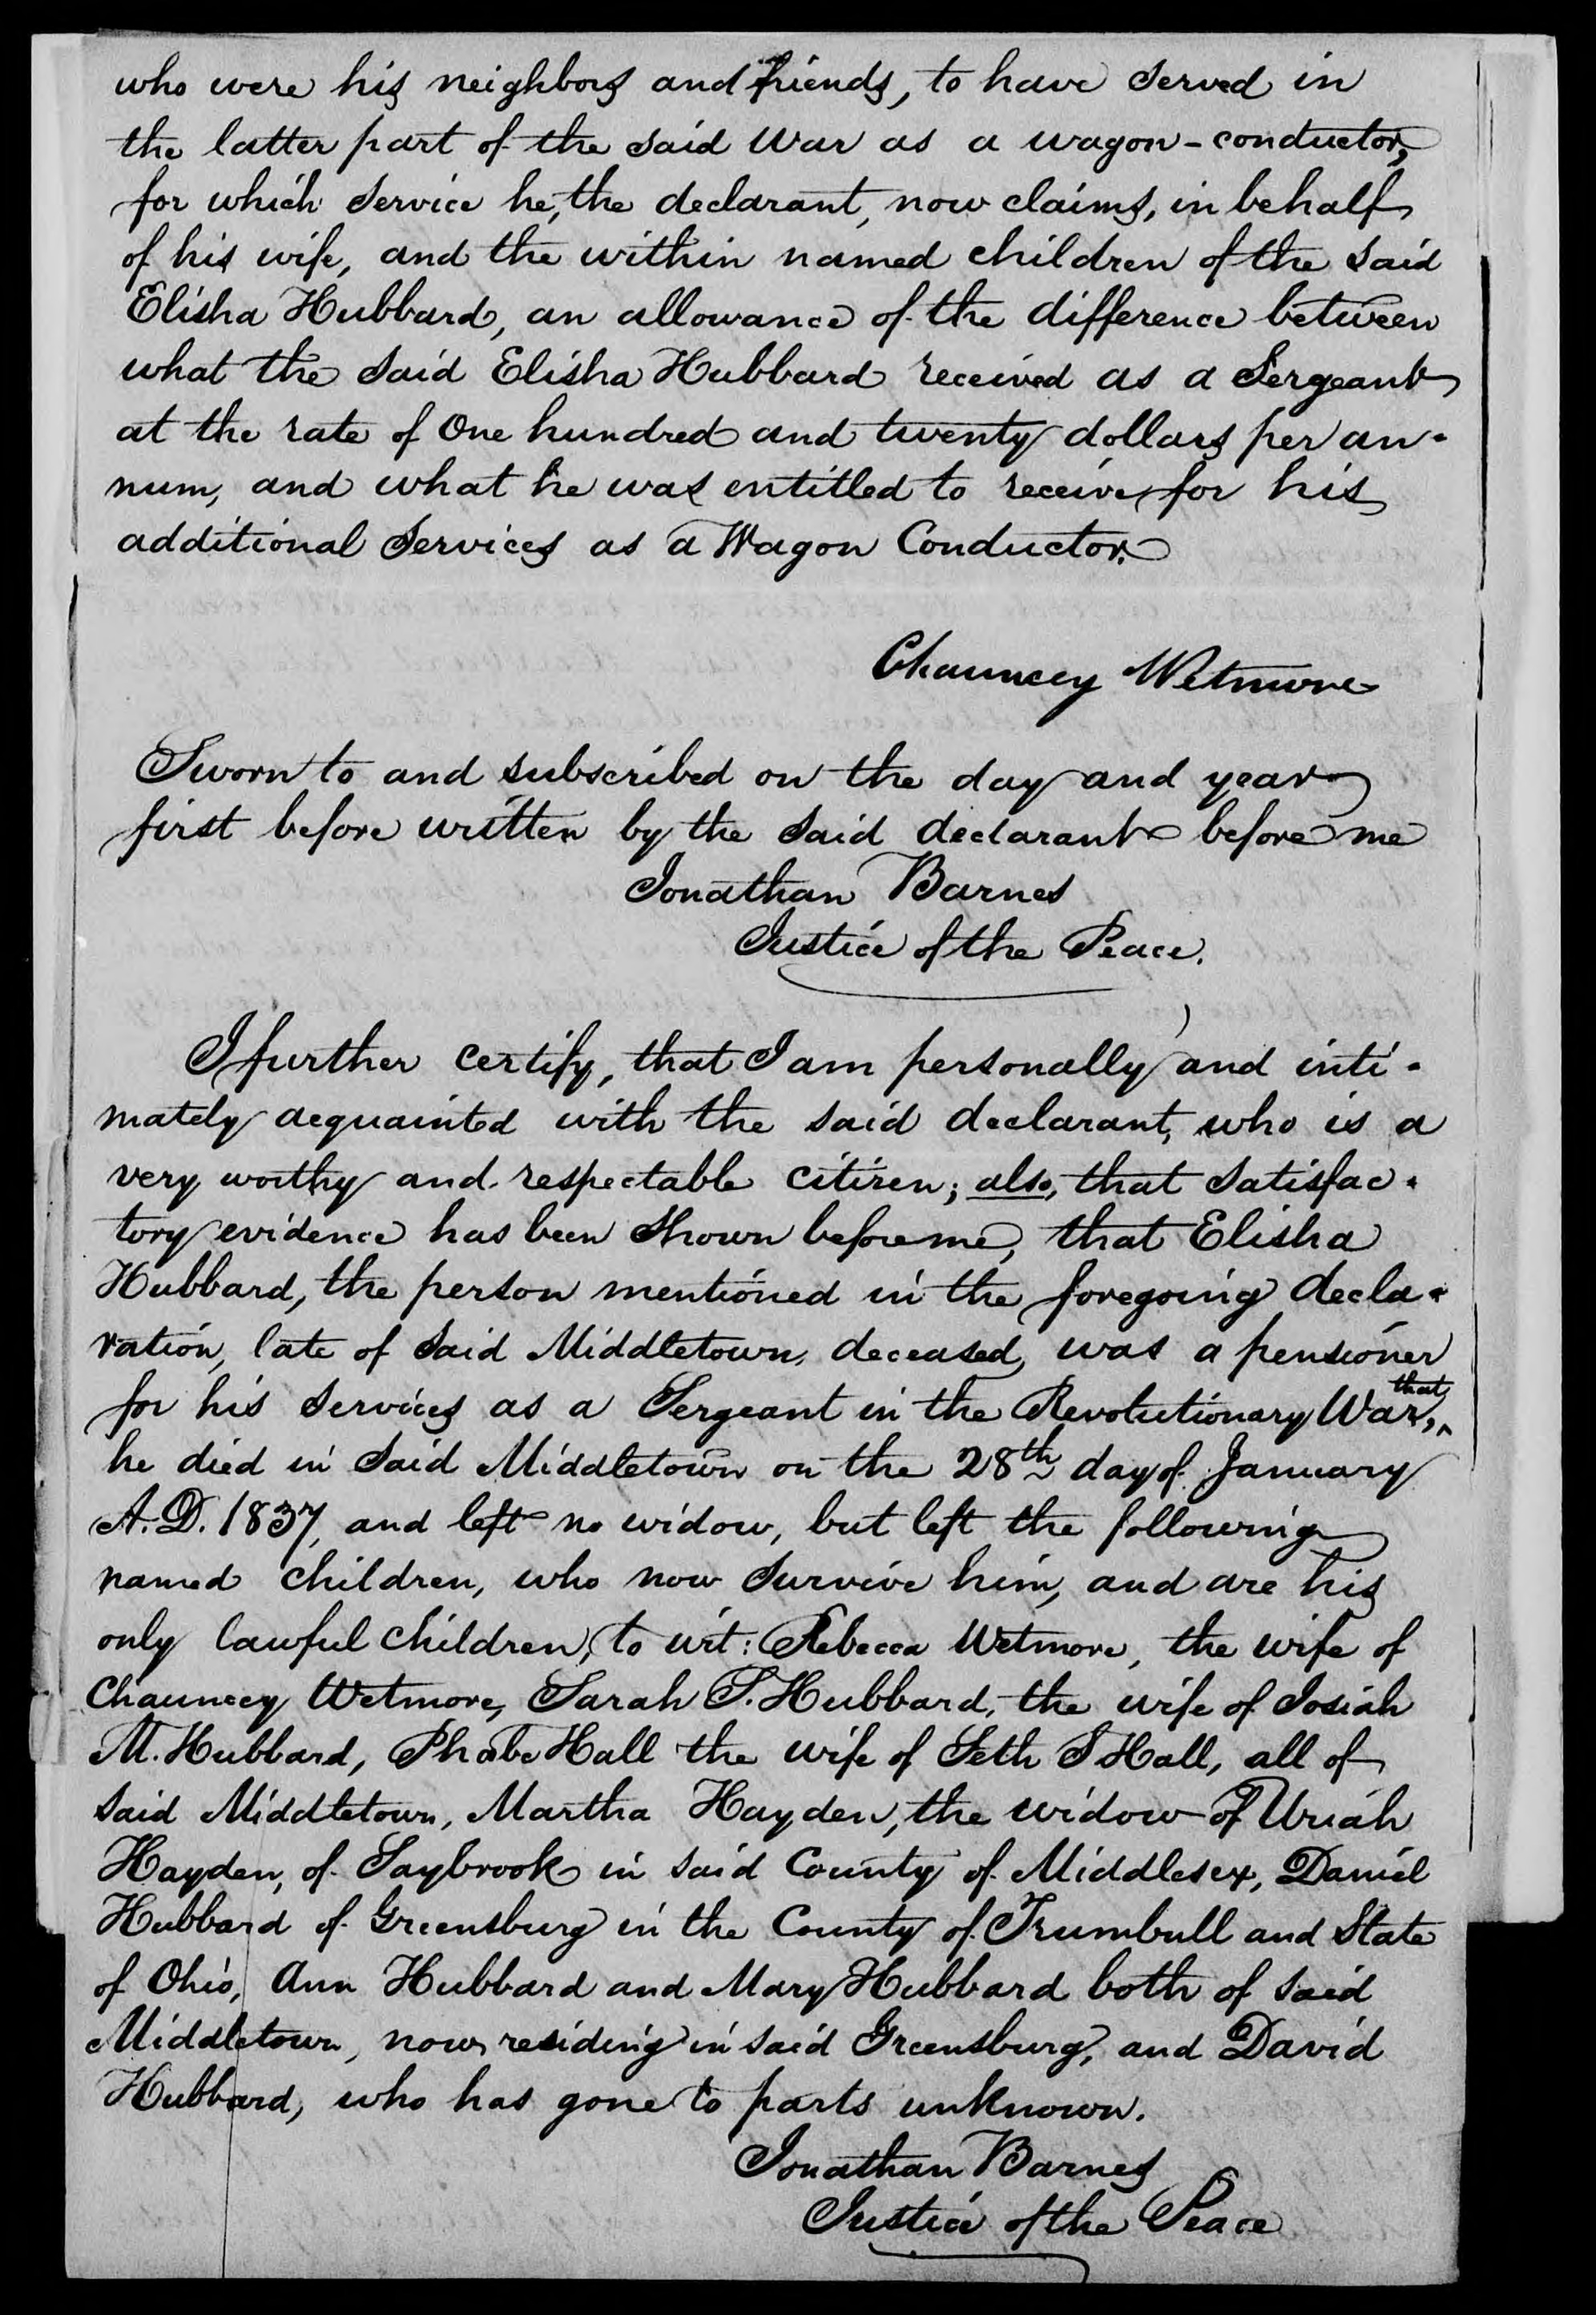[handwritten]
who were his neighbors and friends, to have served in the latter part of the Said War as a wagon-conductor for which Service he, the declarant, now claims, in behalf of his wife, and the within named children of the said Elisha Hubbard, an allowance of the difference between what the Said Elisha Hubbard received as a Sergeant at the rate of one hundred and twenty dollars per annum, and what he was entitled to receive for his additional Services as a Wagon Conductor.
[signed] Chauncey Witmore

Sworn to and subscribed on the day and year first before written by the Said declarant before me
[signed] Jonathan Barnes
Justice of the Peace

I further certify that I am personally and intimately acquainted with the Said declarant, who is a very worthy and respectable citizen; also that Satisfactory evidence has been Shown before me that Elisha Hubbard, the person mentioned in the foregoing declaration, late of Said Middletown, deceased, was a pensioner for his Services as a Sergeant in the Revolutionary War, that he died in Said Middletown on the 28th day of January A.D. 1837, and left no widow, but left the following named children, who now Survive him, and are his only lawful children, to wit: Rebecca Witmore, the wife of Chauncey Witmore, Sarah S. Hubbard, the wife of Josiah M. Hubbard, Phabe Hall the wife of Seth S Hall, all of Said Middletown, Martha Hayden, the widow of Uriah Hayden, of Saybrook in said County of Middlesex, Daniel Hubbard of Greensburg in the County of Trumbull and State of Ohio, Ann Hubbard and Mary Hubbard both of Said Middletown, now residing in Said Greensburg, and David Hubbard, who has gone to parts unknown. 
[signed] Jonathan Barnes
Justice of the Peace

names: Seth S Hall, Ann Hubbard, Sarah S Hubbard, Chauncey Wetmore, David Hubbard, Martha Hayden, Elisha Hubbard, Rebecca Wetmore, Phabe Hall, Daniel Hubbard, Jonathan Barnes, Uriah Hayden, Mary Hubbard, Josiah M Hubbard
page: 11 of 63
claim: survivor's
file: S. 18457, Elisha Hubbard, Conn. Continental